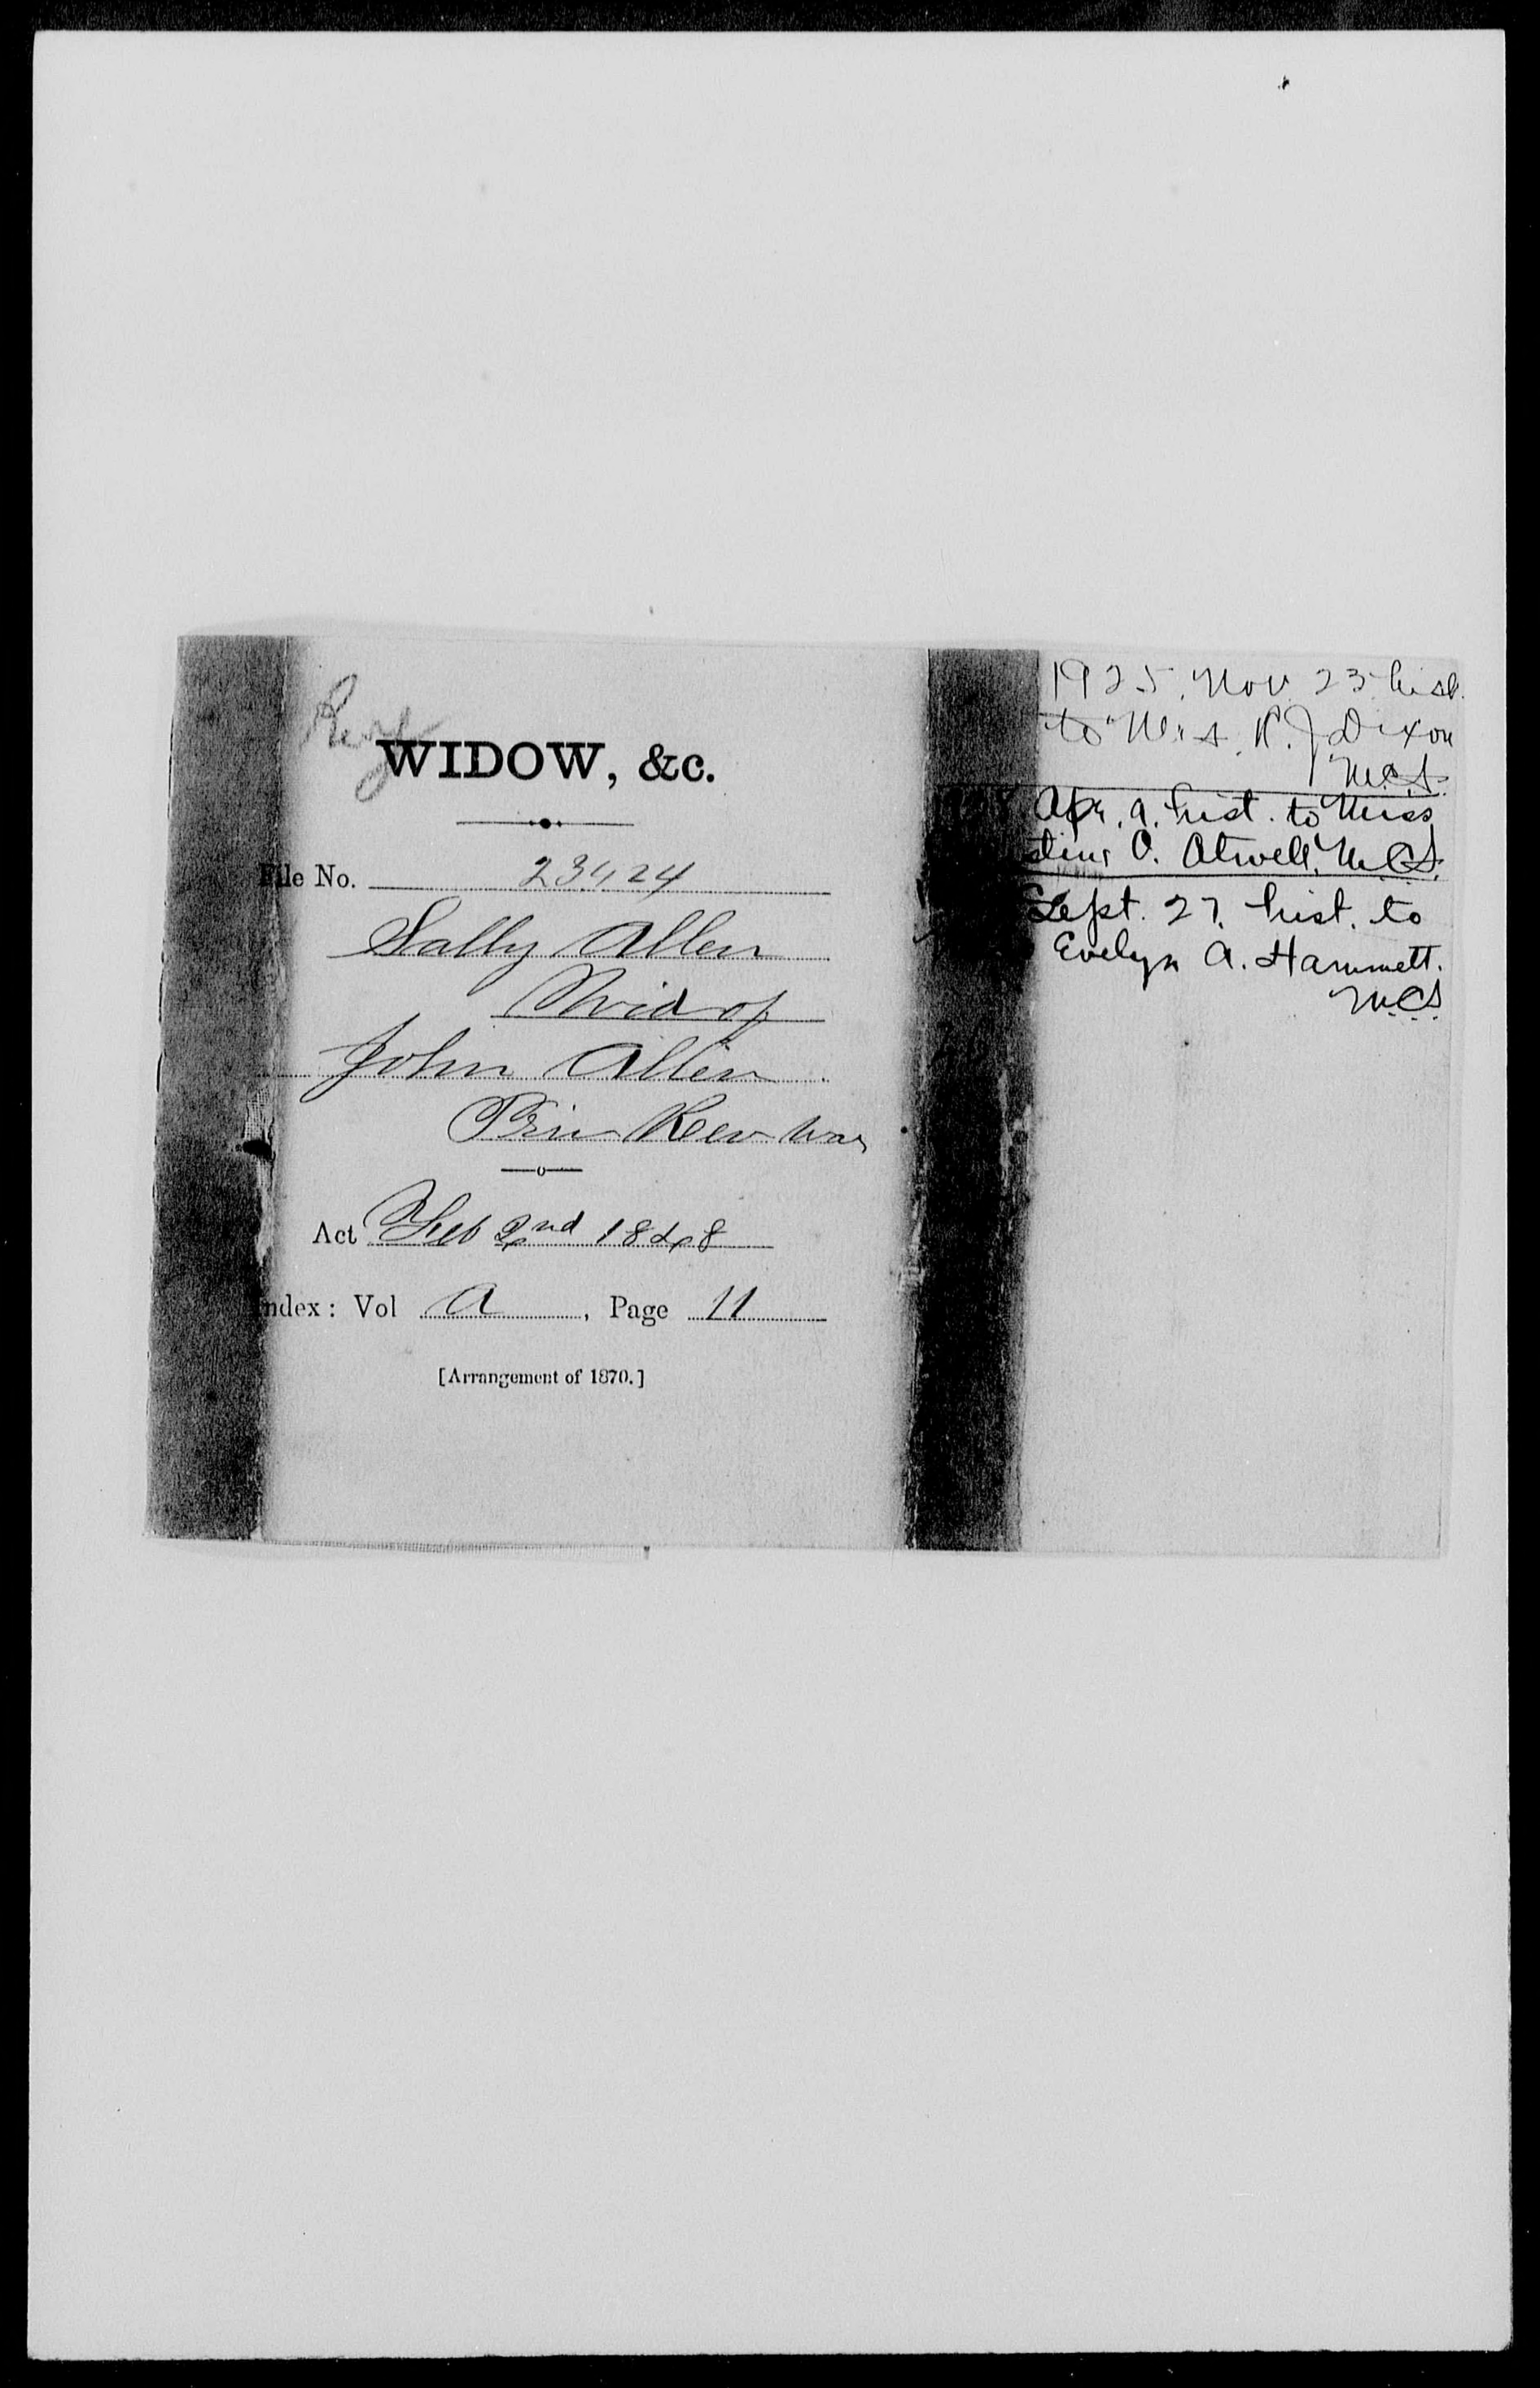[left side]
WIDOW, &c.
File No. 23424
Sally Allen
Wid of
John Allen
Pri Rev War
---
Act Feb 2nd 1848
Index: Vol. A, Page 11
[Arrangement of 1870.]

[right side]
1925 Nov 23 Hist.
to Mrs. R. J. Dixon M.C.S.
[illegible] hist to to Miss
[Chri]stine O. Atwell M.C.S.
Sept. 27. Hist to
Evelyn A. Hammett M.C.S.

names: Sally Allen, Evelyn A Hammett, John Allen, R J Dixon, Christine O Atwell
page: 32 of 74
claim: widow's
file: W. 23424, John Allen, Mass. R. I.